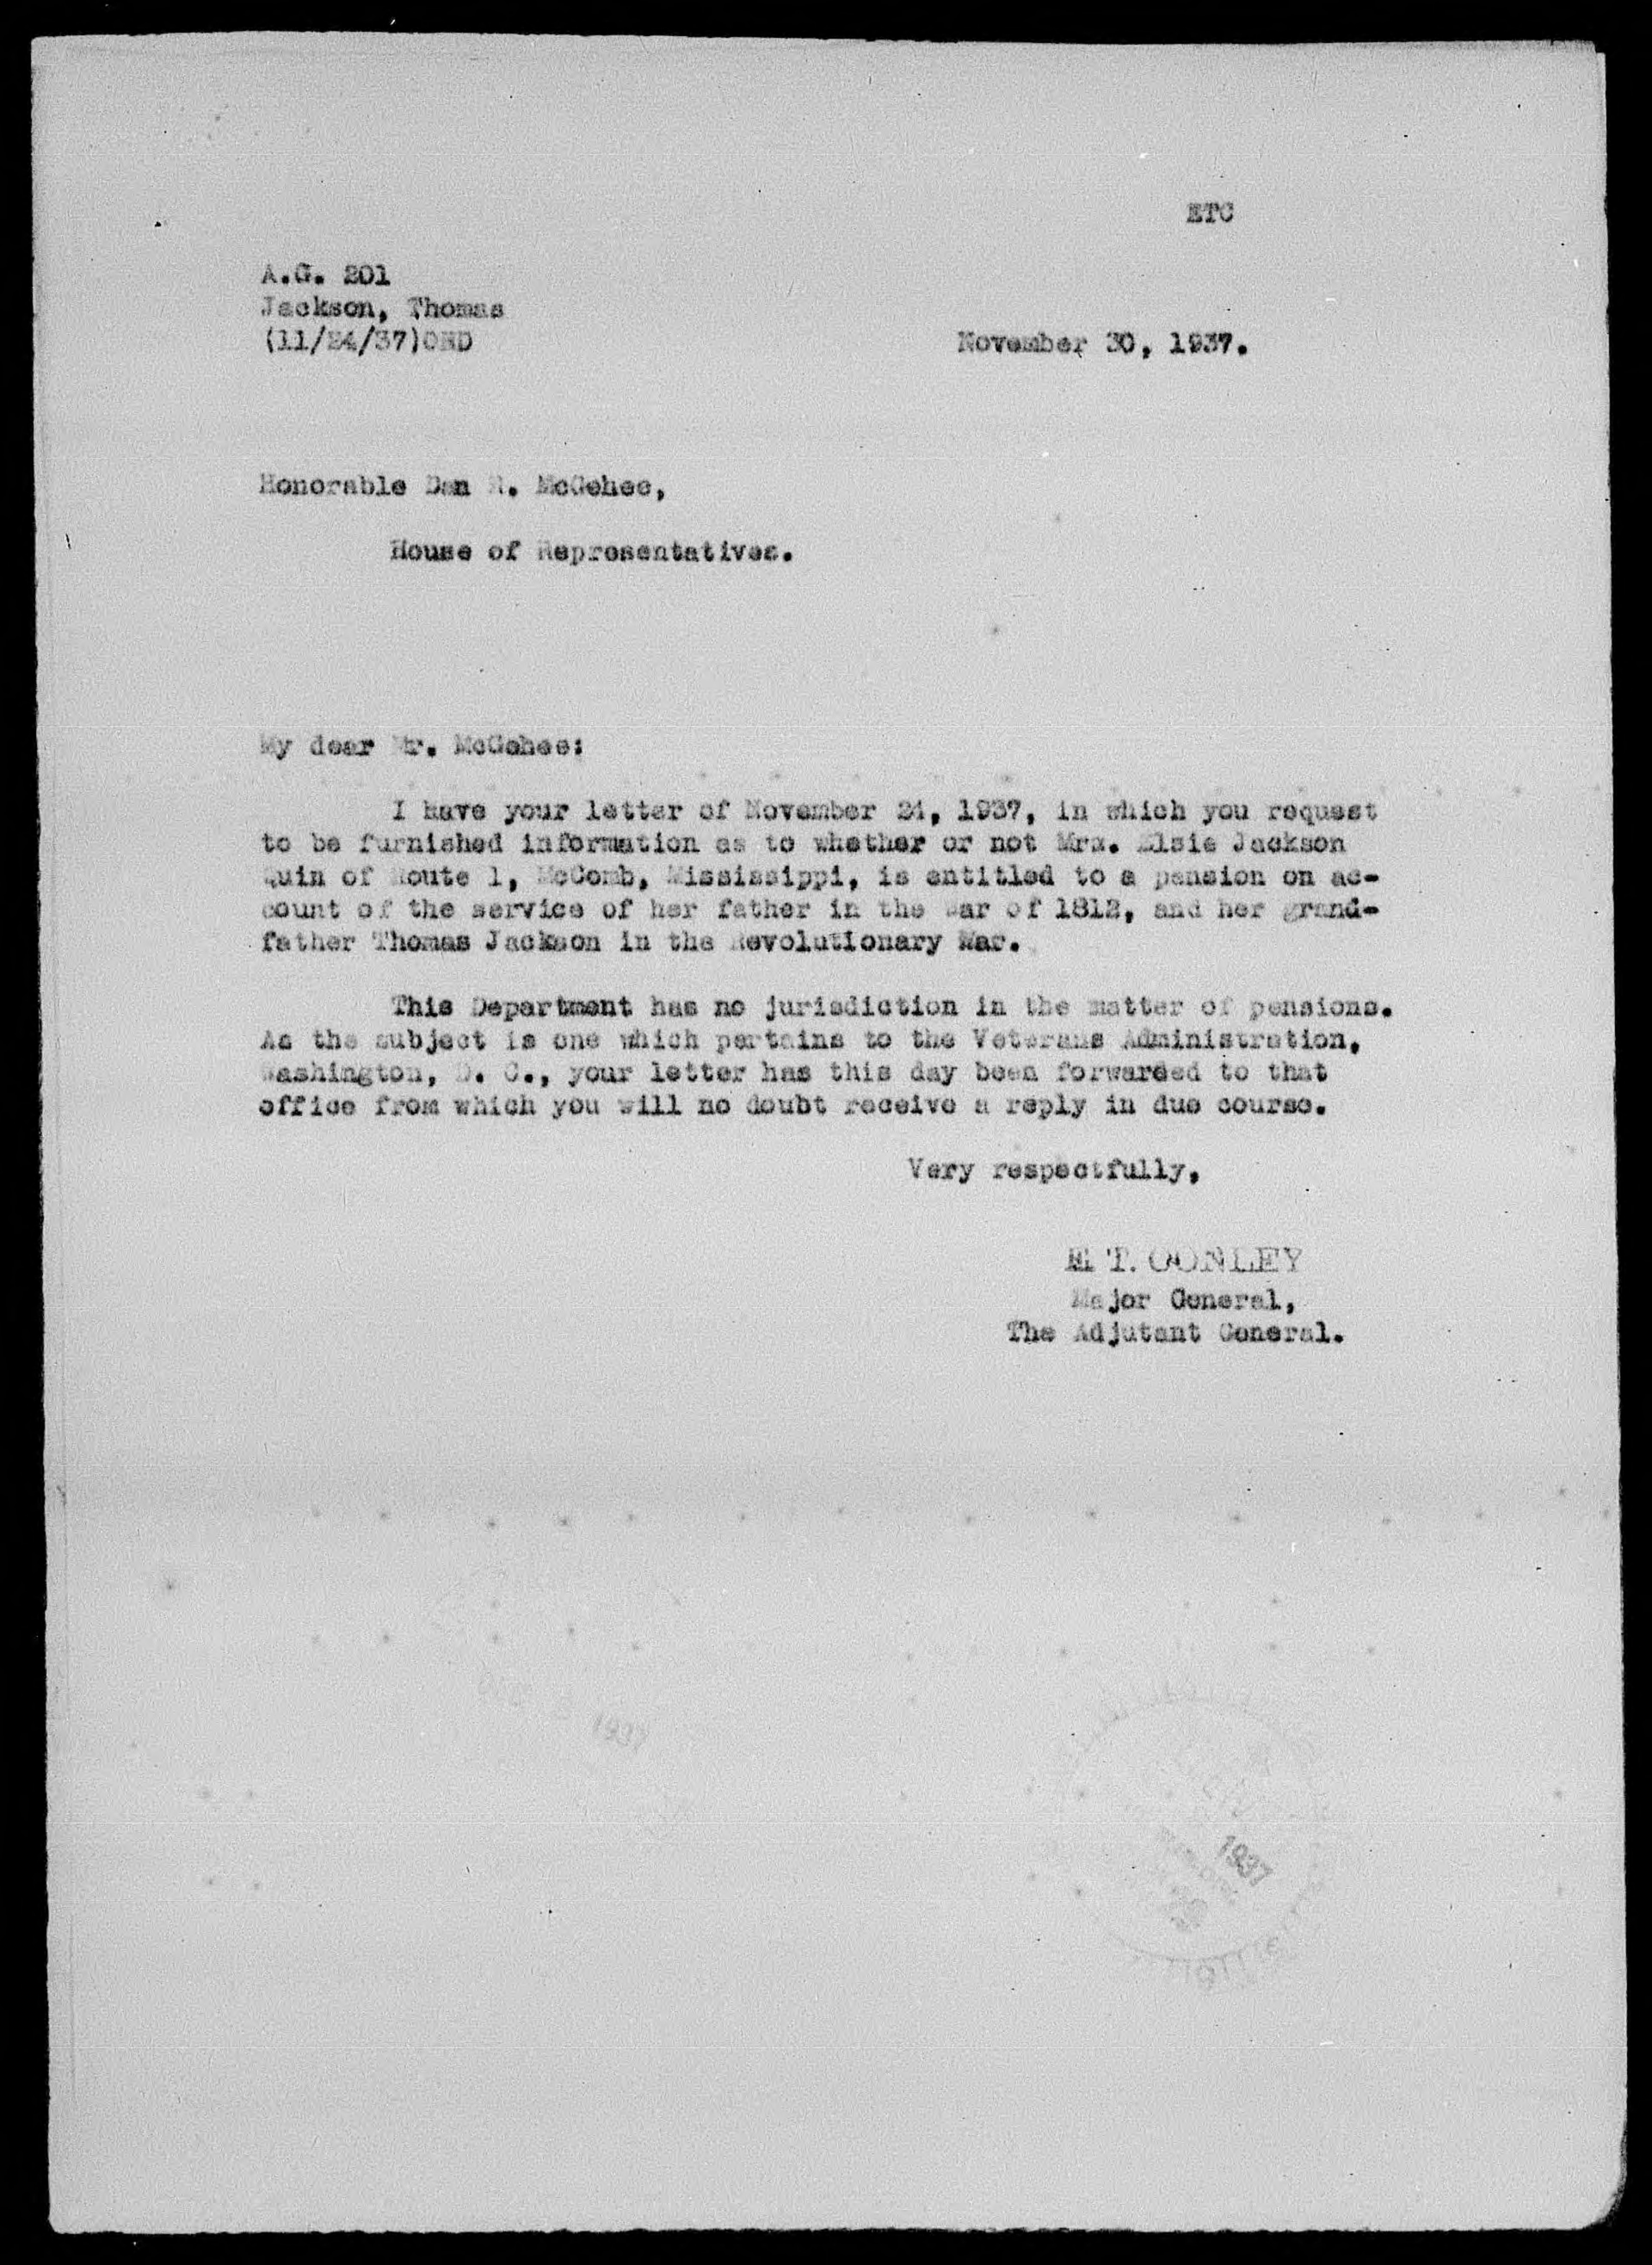A./ G. 201
Jackson, Thomas
(11/24/37) ORD

November 30, 1927

Honorable Dan R. McGehee
House of Representatives.

My dear Mr. McGehee

I have your letter of November 24, 1927, in which you request to be furnished information as to whether or not Mrs. Elsie Jackson Quin of Route 1, McComb Mississippi, is entitled to a pension on account of the service of her father in the war of 1812, and her grandfather Thomas Jackson in the Revolutionary War.

This Department has no jurisdiction in the matter of pensions. As the subject is on which pertains to the Veterans Administration, Washington, D. C. , your letter has this day been forwarded to that office from which you will no doubt receive a reply in due course. 

Very respectfully,
ET Conley
Major General
The Adjutant General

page: 26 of 54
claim: survivor's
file: S. 31166, for Thomas Jackson, South Carolina